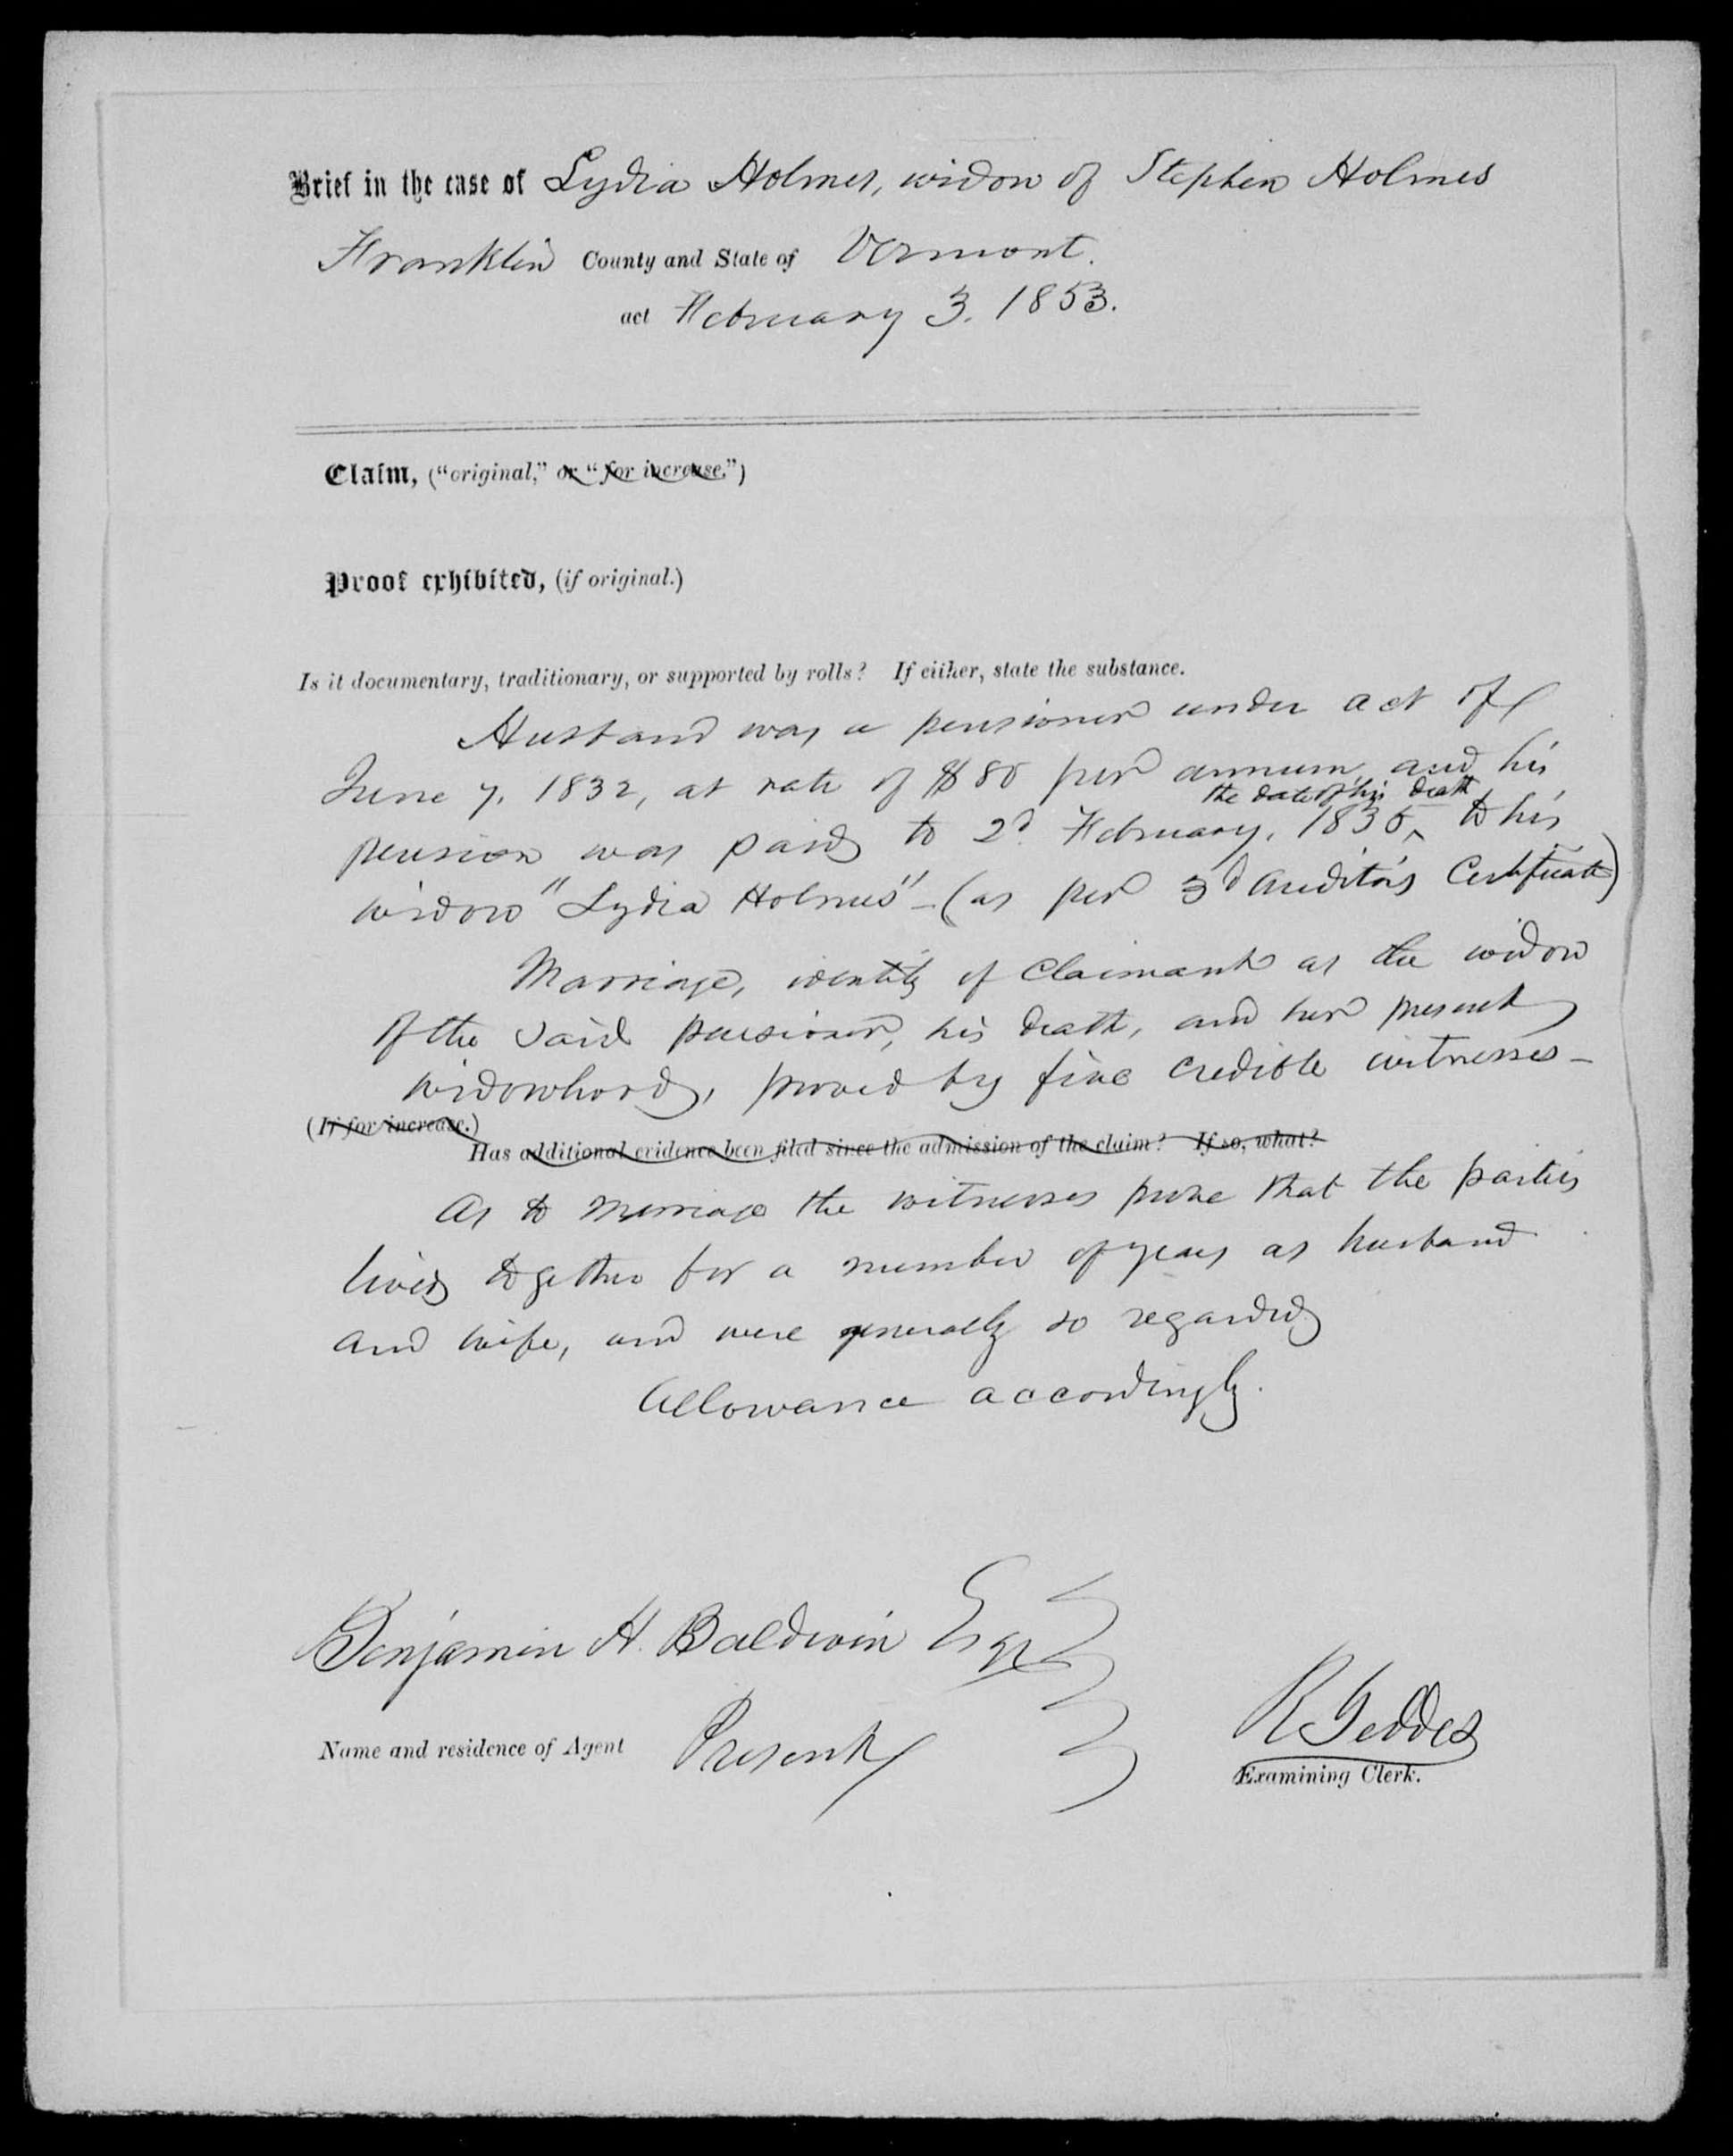Brief in the case of Lydia Holmes, widow of Stephen Holmes

Franklin County and State of Vermont.
Act February 3, 1853

Claim, ("original," [crossed out "or 'for increase'"])

Proof exhibited, (if original.)

Is it documentary, traditionary, or supported by rolls? If either, state the substance.

Husband was a pensioner under Act of June 7, 1832, at rat eof $80 per annum, and his pension was paid to 2d February, 1835 ^the date of his death to his widow "Lydia Holmes"- (as per 3d Auditor's Certificate)

Marriage, identity of Claimant as the widow of the said pensioner, his death, and her present widowhood, proved by five credible witnesses-

[crossed out "(If for increase.)"]
[crossed out "Has additional evidence been filed since the admission of the claim? If sho, what?")

As to marriage the witnesses prove that the parties lived together for a number of years as husband and wife, and were generally so regarded.

Allowance accordingly.

Name and residence of Agent

Benjamin H. Baldwin Esqr
Presently

R Geddes
Examining Clerk.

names: Stephen Holmes, R Geddes, Lydia Holmes, Benjamin H Baldwin, Lydia Holmes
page: 37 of 72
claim: widow's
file: W. 7771, Stephen Holmes, Vt.